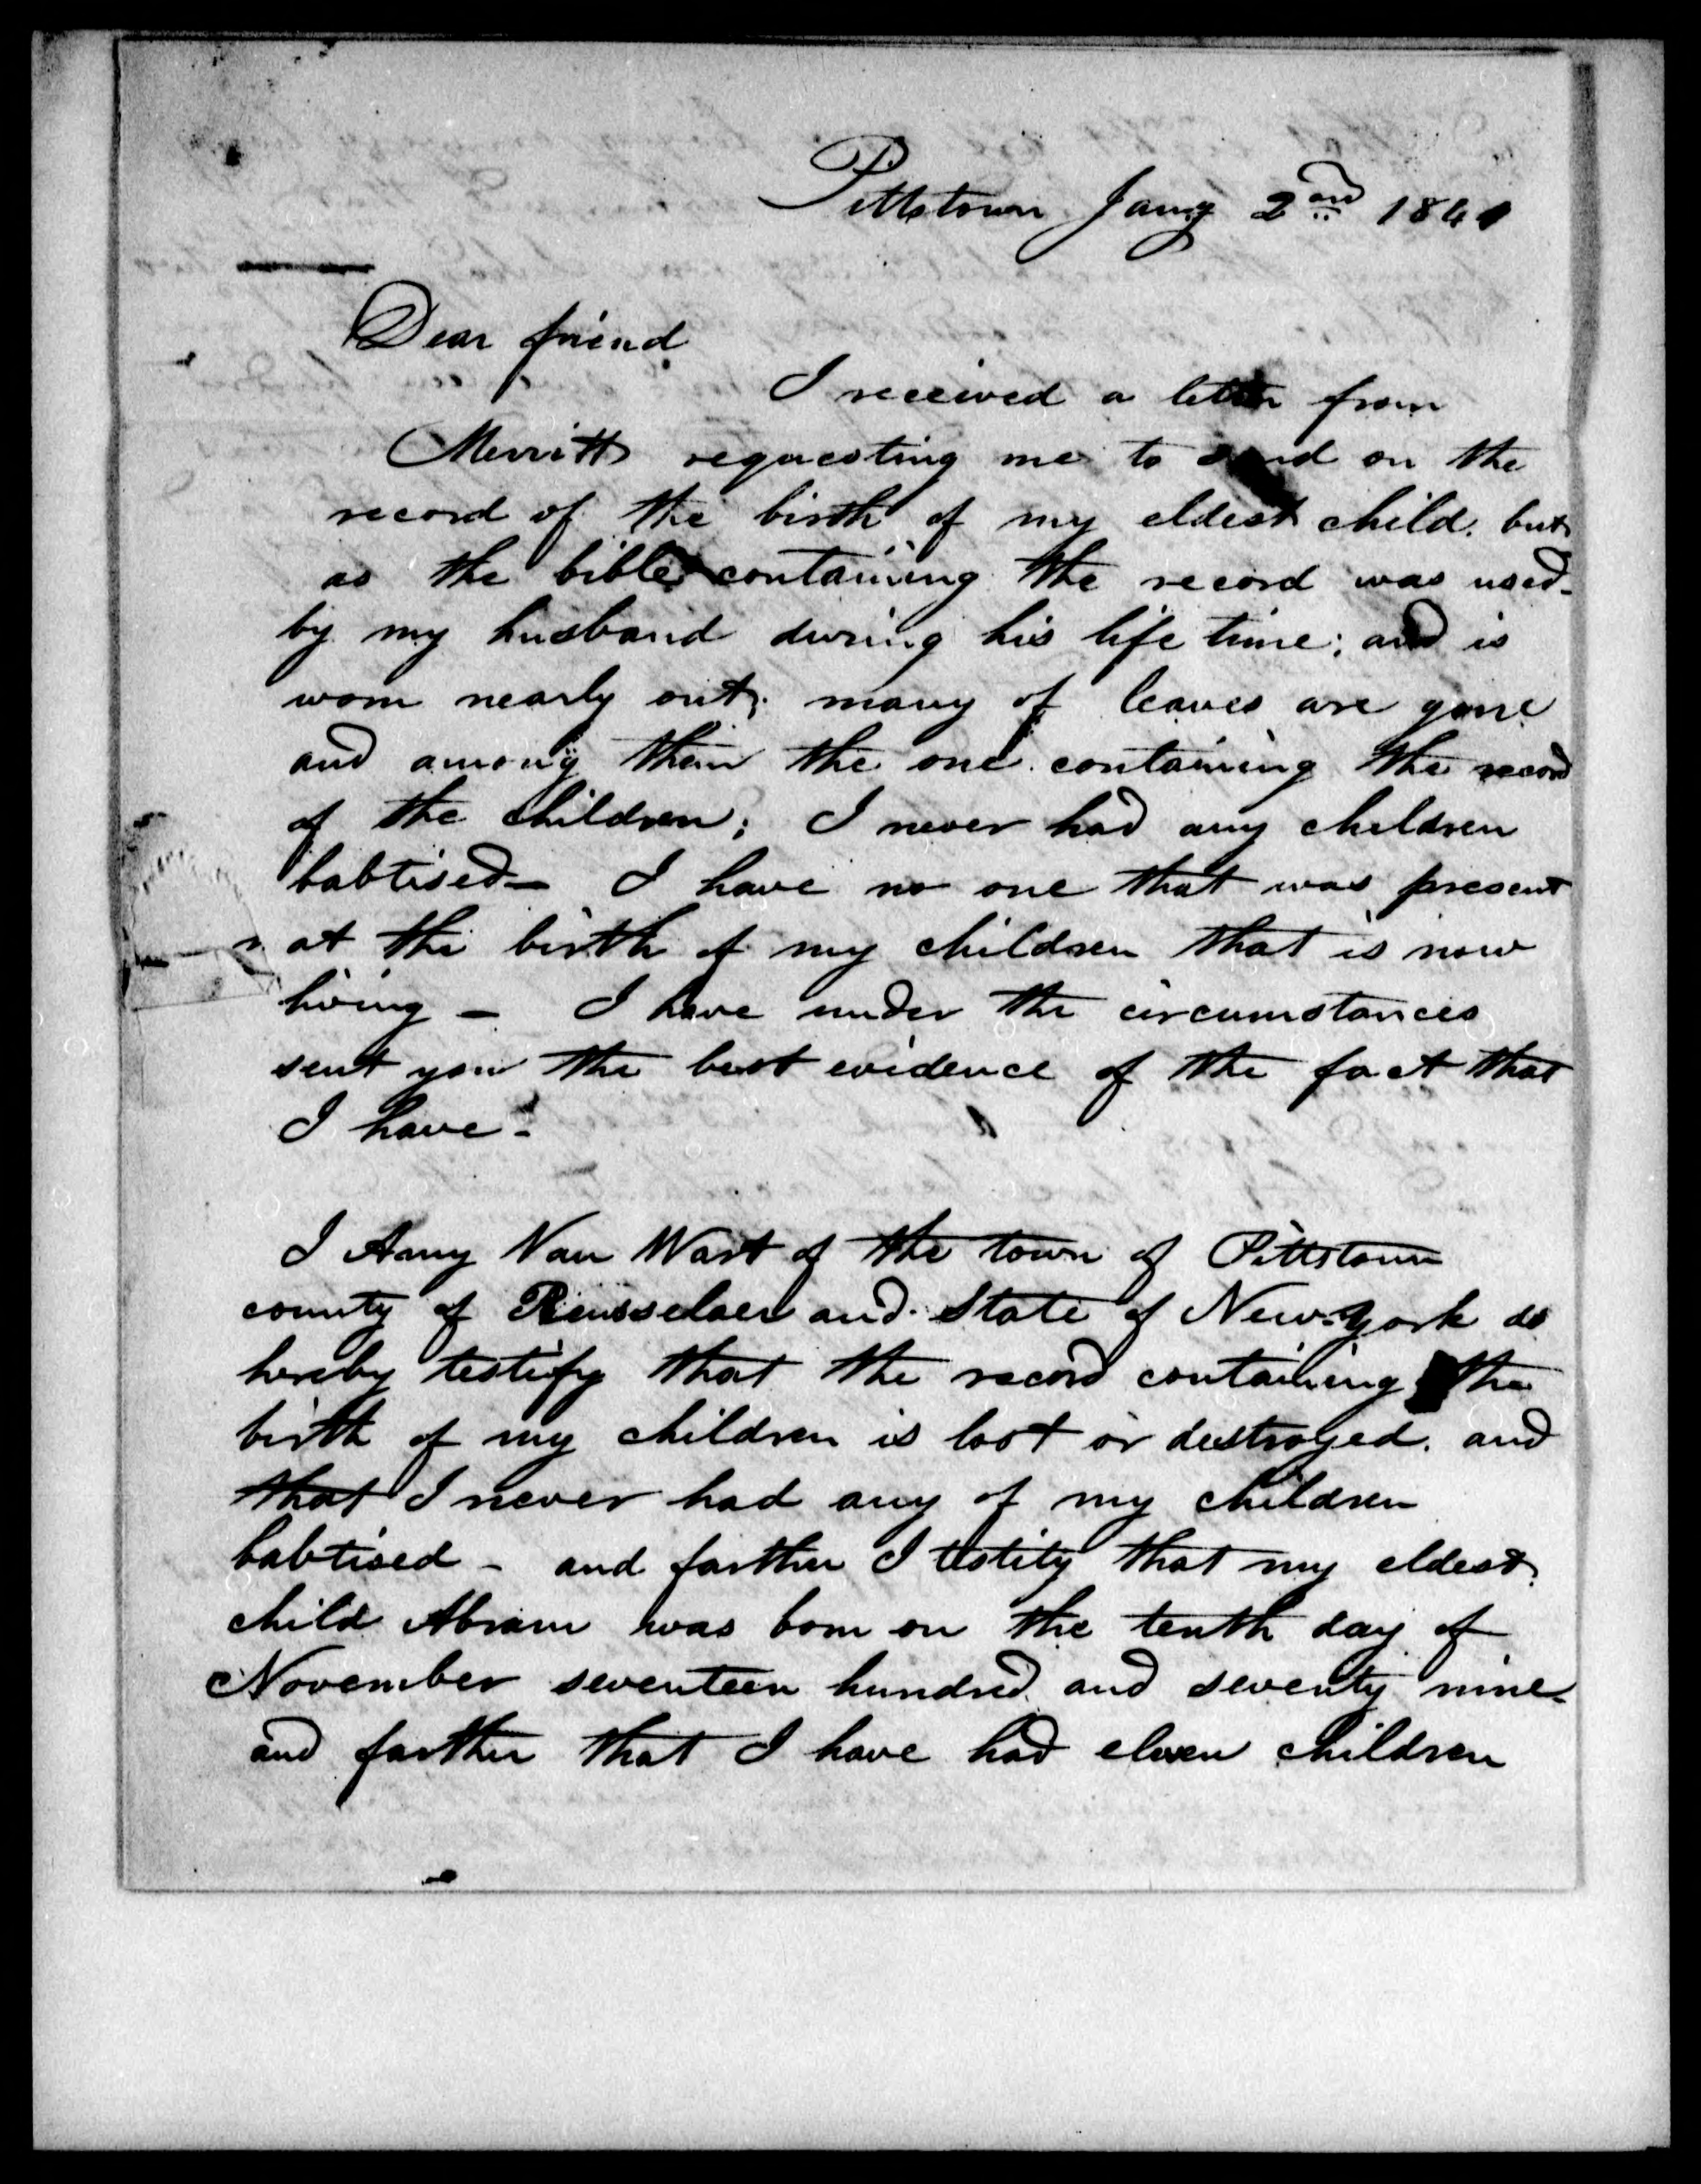Pittstown January 2nd 1844

Dear friend

I received a letter from Merritt requesting me to send on the record of the birth of my eldest child but as the bible containing the record was used by my husband during his life time' and is worn nearly out, many of leaves are gone and among them the one containing the record of the children;  I never had any children baptised.  I have no one that was present at the birth of my children that is now living - I have under the circumstances sent you the best evidence of the fact that I have.

I Amy Van Wart of the town of Pittstown county of Rensselaer and State of New York do hereby testify that the record containing the birth of my children is lost or destroyed and that I never had any of my children baptised - and further I testify that my eldest child Abram was born on the tenth day of November seventeen hundred and seventy nine and further that I have had eleven children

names: Amy Van Wart, Abram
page: 14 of 102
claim: widow's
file: W. 18239, Isaac Van Wart, New York